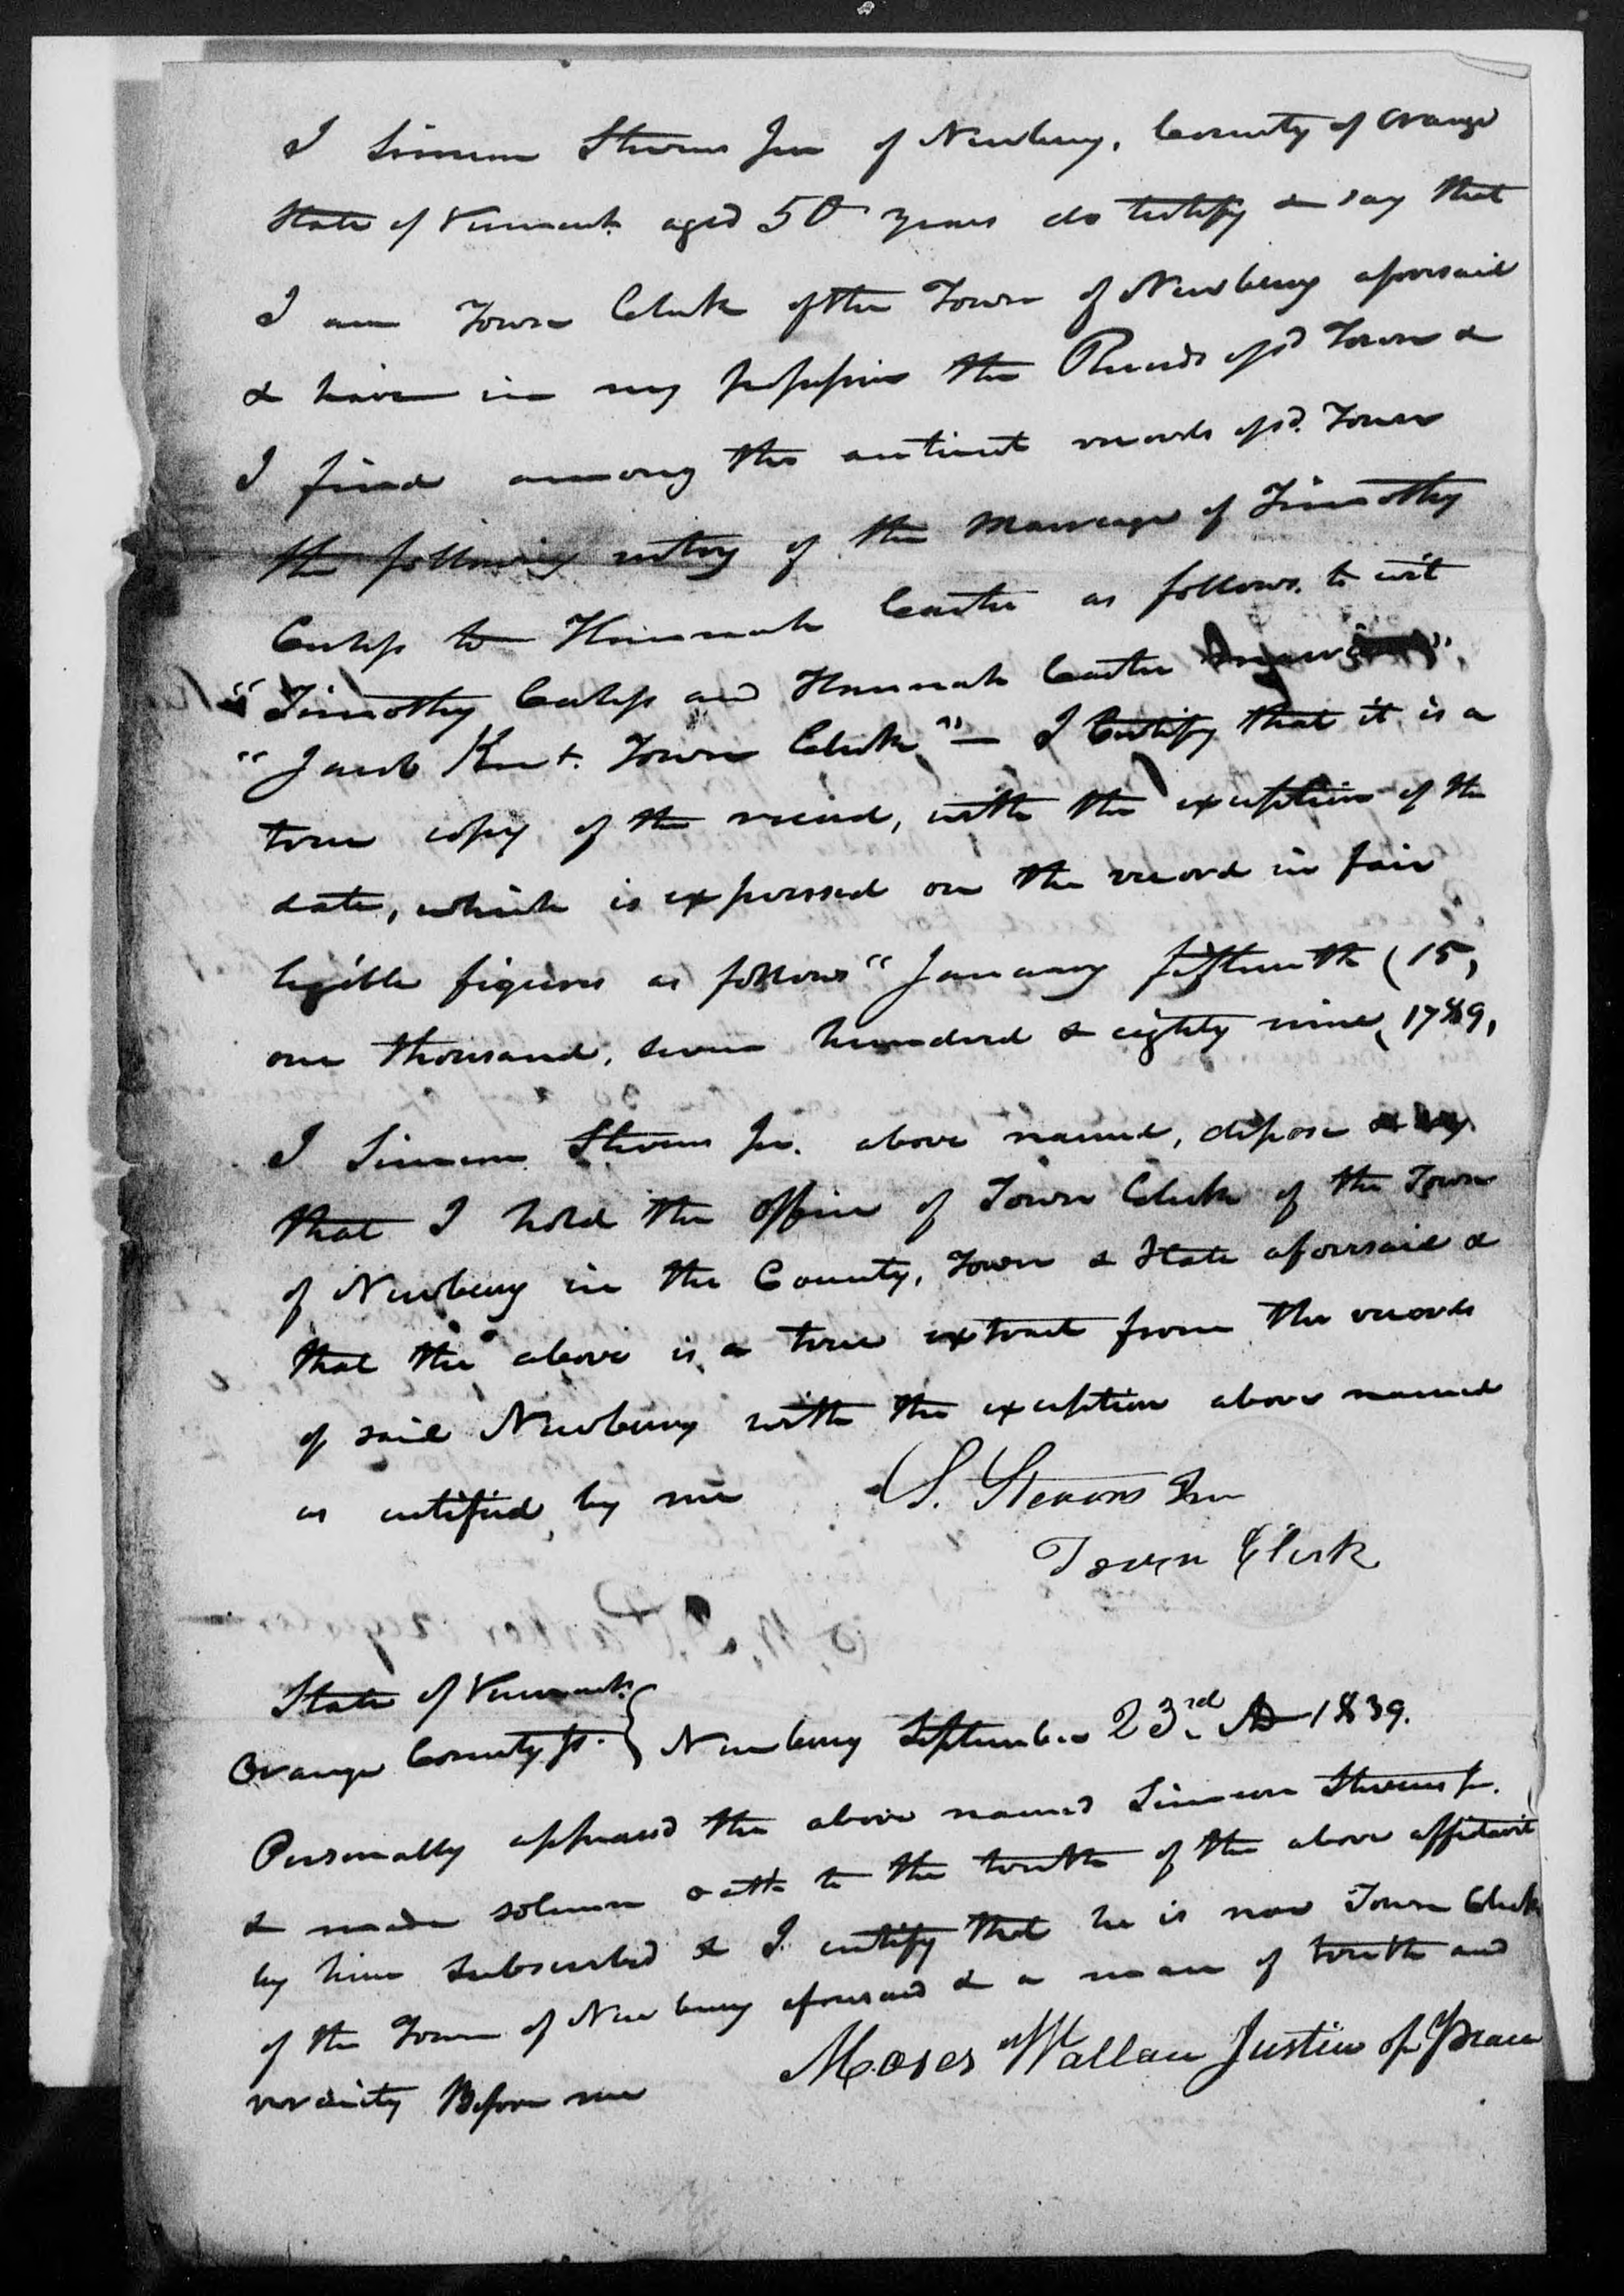I, Simeon Stevens, Jr. of Newbury county of Orange State of Vermont aged 50 years do testify and say that I am town clerk of the town of Newbury aforesaid and have in my possession the records of said town and I find among the [illegible] records of said town of the marriage of Timothy Corliss to Hannah Curtis as follows, to wit “Timothy Corliss and Hannah Curtis [illegible] Jacob Kent town clerk” I certify that it is a true copy of the record with he exception of the date which is expressed on the record in fair legible figures “January fifteenth (15) one thousand seven hundred and eighty nine, 1789,
I Simeon Stevens, Jr above named depose and say that I hold the office of gown clerk of the own of Newbury in ghetto county , town and state aforesaid and that the above is a true extract from the records of said Newbury with the exception above named and certified by me.
S. Stevens, Jr
Town Clerk

State of Vermont
Orange County Ss
Newbury September 23rd AD 1839.
Personally appeared the above named Simeon Stevens, Jr. And made solemn oath to the truth of the above affidavit by him subscribed and I certify that he is now town clerk of the town of Newbury aforesaid and a man of truth and veracity
Before me
Moses Wallace Justice of the Peace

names: James Kent, Timothy Corliss, Simeon Stevens, Moses Wallan, Hannah Cartis, Simeon Stevens, Hannah Cartis, Timothy Corliss, S Stevens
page: 33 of 34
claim: widow's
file: W. 20,896, Timothy Corless, Continental Mass